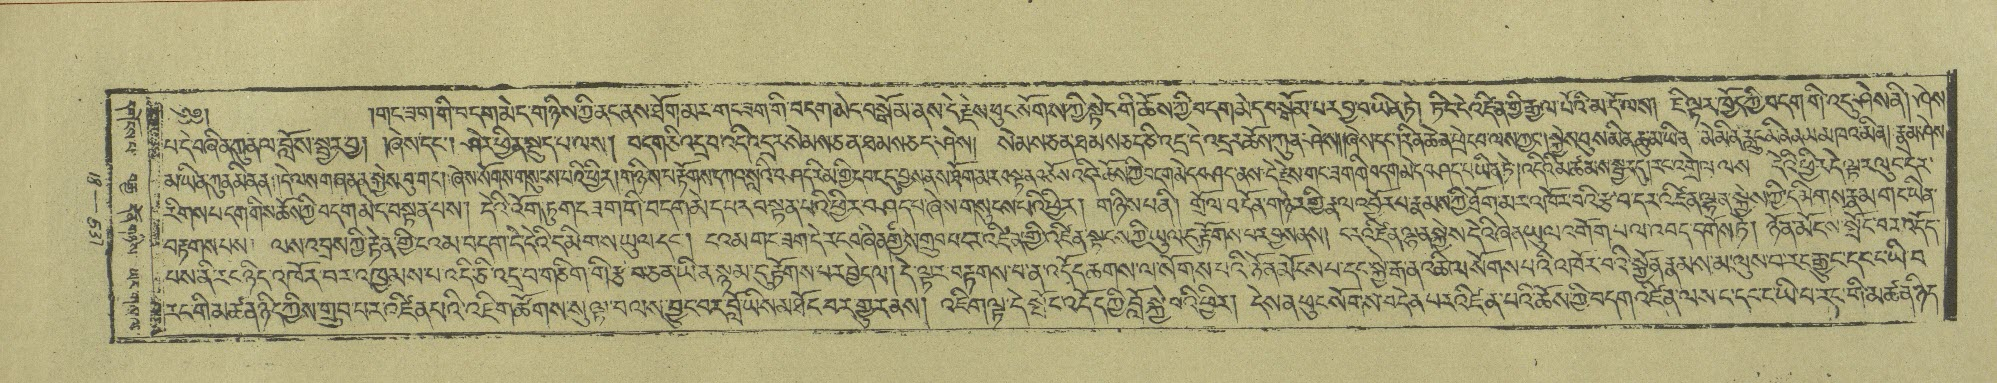༄༅། །གང་ཟག་གི་བདག་མེད་གཉིས་ཀྱི་ནང་ནས་ཐོག་མར་གང་ཟག་གི་བདག་མེད་བསྒོམ་ནས་དེ་རྗེས་ཕུང་སོགས་ཀྱི་སྟེང་གི་ཆོས་ཀྱི་བདག་མེད་བསྒོམ་པར་བྱ་བ་ཡིན་ཏེ། ཏིང་ངེ་འཛིན་གྱི་རྒྱལ་པོའི་མདོ་ལས། ཇི་ལྟར་ཁྱོད་ཀྱི་བདག་གི་འདུ་ཤེས་ནི། །ཤས་
པ་དེ་བཞིན་ཀུན་ལ་བློས་སྦྱར་བྱ། །ཞེས་དང་། ཤེར་ཕྱིར་སྡུད་པ་ལས། བདག་ཅི་འདྲ་བ་འདི་འདྲར་སེམས་ཅན་ཐམས་ཅད་ཤེས། །སེམས་ཅན་ཐམས་ཅད་ཅི་འདྲ་དེ་འདྲར་ཆོས་ཀུན་ཤེས། །ཞེས་དང་། རིན་ཆེན་ཕྲེང་བ་ལས་ཀྱང་། སྐྱེས་བུ་ས་མིན་ཆུ་མ་ཡིན། །མེ་མིན་རླུང་མིན་ནམ་མཁའ་མིན། །རྣམ་ཤེས་
མ་ཡིན་ཀུན་མིན་ན། །དེ་ལས་གཞན་ན་སྐྱེས་བུ་གང་། །ཞེས་སོགས་གསུངས་པའི་ཕྱིར། གཉིས་པ་རྟོགས་དཀའ་སླའི་བཤད་རིམ་གྱི་དབང་དུ་བྱས་ནས་ཐོག་མར་བསྟན་བཅོས་འདིར་ཆོས་ཀྱི་བདག་མེད་བཤད་ནས། དེ་རྗེས་གང་ཟག་གི་བདག་མེད་བཤད་པ་ཡིན་ཏེ། །འདིའི་མཚམས་སྦྱར་དུ། རང་འགྲེལ་ལས། དེའི་ཕྱིར་དེ་ལྟར་ལུང་དང་
རིགས་པ་དག་གིས་ཆོས་ཀྱི་བདག་མེད་བསྟན་པས། དེའི་འོག་ཏུ་གང་ཟག་གི་བདག་མེད་པར་བསྟན་པའི་ཕྱིར་བཤད་པ་ཞེས་གསུངས་པའི་ཕྱིར། གཉིས་པ་ནི། གྲོལ་བ་དོན་གཉེར་གྱི་རྣལ་འབྱོར་པ་རྣམས་ཀྱི་ཐོག་མར་འཁོར་བའི་རྩ་བ་ངར་འཛིན་ལྷན་སྐྱེས་ཀྱི་དམིགས་རྣམ་གང་ཡིན་
བརྟགས་པས། ལས་འབྲས་ཀྱི་རྟེན་གྱི་ངའམ་བདག་དེ་དེའི་དམིགས་ཡུལ་དང་། ངའམ་གང་ཟག་དེ་རང་བཞིན་གྱིས་གྲུབ་པ་ངར་འཛིན་གྱི་འཛིན་སྟངས་ཀྱི་ཡུལ་དུ་རྟོགས་པར་བྱས་ནས། ངར་འཛིན་ལྷན་སྐྱེས་དེའི་ཞེན་ཡུལ་འགོག་པ་ལ་འབད་དགོས་ཏེ། ཉོན་མོངས་སྤོང་བར་འདོད་
པས་ནི་རང་ཉིད་འཁོར་བར་འཁྱམས་པ་འདི་ཅི་འདྲ་བ་གཅིག་གི་རྩ་བ་ཅན་ཡིན་སྙམ་དུ་རྟོགས་པར་བྱེད་ལ། དེ་ལྟར་བརྟགས་པ་ན་འདོད་ཆགས་ལ་སོགས་པའི་ཉོན་མོངས་པ་དང་སྐྱེ་རྒན་འཆི་ལ་སོགས་པའི་འཁོར་བའི་སྐྱོན་རྣམས་མ་ལུས་པ་རང་རྒྱུད་དང་ང་ཡི་བ་
རང་གི་མཚན་ཉིད་ཀྱིས་གྲུབ་པར་འཛིན་པའི་འཇིག་ཚོགས་སུ་ལྟ་བ་ལས་བྱུང་བར་བློ་ཡིས་མཐོང་བར་གྱུར་ནས། འཇིག་ལྟ་དེ་སྤོང་འདོད་ཀྱི་བློ་སྐྱེ་བའི་ཕྱིར། དེས་ན་ཕུང་སོགས་བདེན་པར་འཛིན་པའི་ཆོས་ཀྱི་བདག་འཛིན་ལས་ང་དང་ང་ཡི་བ་རང་གི་མཚན་ཉིད་